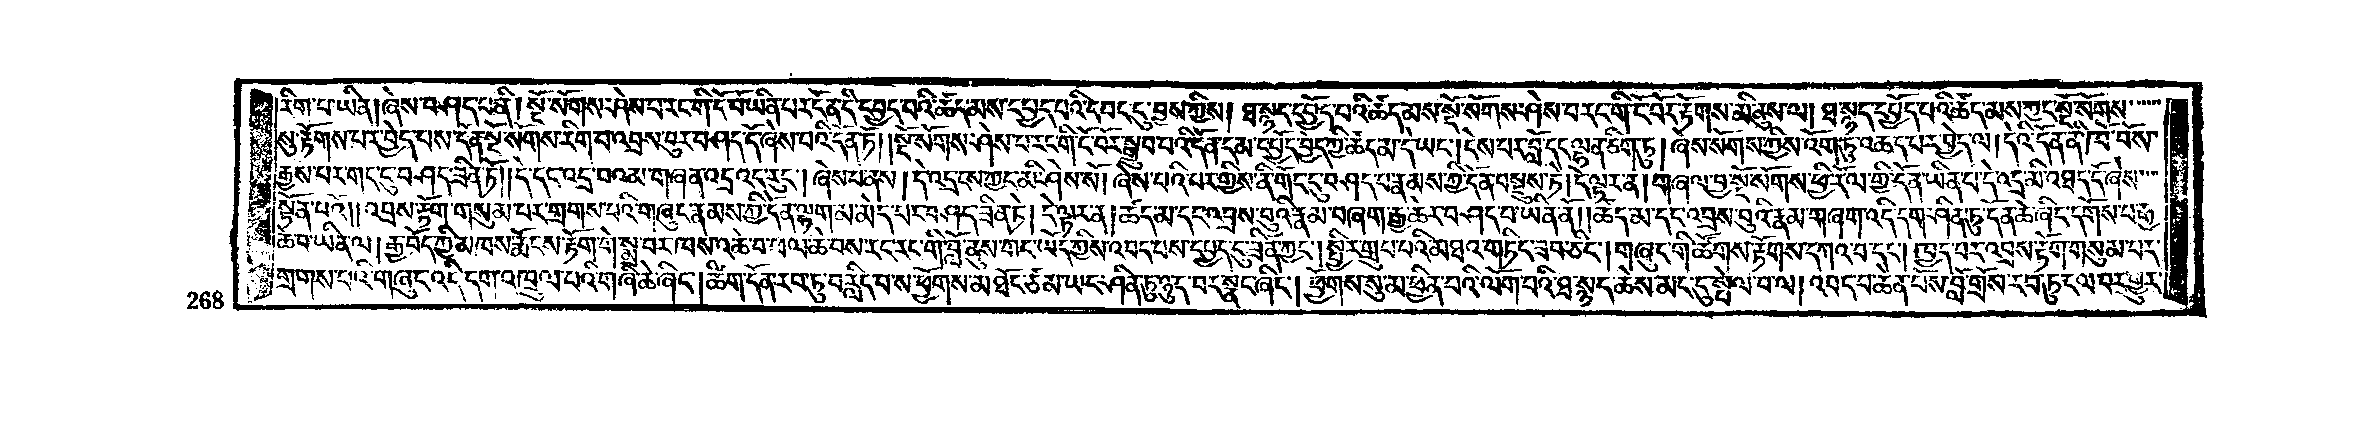རིག་པ་ཡིན། ཞེས་བཤད་པ་ནི། སྔོ་སོགས་ཤེས་པ་རང་གི་ངོ་བོ་ཡིན་པར་དོན་དེ་དབྱད་པའི་ཚད་མས་དཔྱད་པའི་དབང་དུ་བྱས་ཀྱིས། ཐ་སྙད་དཔྱོད་པའི་ཚད་མས་སྔོ་སོགས་ཤེས་པ་རང་གི་ངོ་བོར་རྟོགས་མི་ནུས་ལ། ཐ་སྙད་དཔྱོད་པའི་ཚད་མས་ཀྱང་སྔོ་སོགས་
སུ་རྟོགས་པར་བྱེད་པས་དོན་སྔོ་སོགས་རིག་པ་འབྲས་བུར་བཤད་དོ་ཞེས་པའི་དོན་ཏོ། །སྔོ་སོགས་ཤེས་པ་རང་གི་ངོ་བོར་སྒྲུབ་པའི་དོན་དམ་དཔྱོད་བྱེད་ཀྱི་ཚད་མ་དེ་ཡང་། ངེས་པར་བློ་དང་ལྷན་ཅིག་ཏུ། ཞེས་སོགས་ཀྱིས་འོག་ཏུ་འཆད་པར་བྱེད་ལ། དེའི་དོན་ནི་ཁོ་བོས་
རྒྱས་པར་གང་དུ་བཤད་ཟིན་ཏོ། །དེ་དང་འདྲ་བའམ་གཞན་འདྲའང་རུང་། ཞེས་པ་ནས། དེ་འདྲ་ངས་ཀྱང་མི་ཤེས་སོ། ཞེས་པའི་པར་གྱིས་ནི་གོང་དུ་བཤད་པ་རྣམས་ཀྱི་དོན་བསྡུས་ཏེ། དེ་ལྟར་ན། གཞལ་བྱ་སྔོ་སོགས་ཕྱི་རོལ་གྱི་དོན་ཡིན་པ་དེ་འདྲ་མི་འཐད་དོ་ཞེས་
སྟོན་པའོ། །འབྲས་རྟོག་གསུམ་པར་གྲགས་པའི་གཞུང་རྣམས་ཀྱི་དོན་ལྷག་མ་མེད་པར་བཤད་ཟིན་ཏེ། དེ་ལྟར་ན། ཚད་མ་དང་འབྲས་བུའི་རྣམ་བཞག་རྒྱ་ཆེར་བཤད་པ་ཡིན་ནོ། །ཚད་མ་དང་འབྲས་བུའི་རྣམ་གཞག་འདི་དག་ཤིན་ཏུ་དོན་ཆེ་ཞིང་དགོས་པ་རྒྱ་
ཆེ་བ་ཡིན་ལ། རྒྱ་བོད་ཀྱི་མཁས་རྨོངས་རྟོག་གེ་སྨྲ་བར་ཁས་འཆེ་བ་ཕལ་ཆེ་བས་རང་རང་གི་བློ་ནུས་གང་ཡོད་ཀྱིས་འབད་པས་དཔྱད་དུ་ཟིན་ཀྱང་། སྤྱིར་གྲུབ་པའི་མཐའ་གཏིང་ཟབ་ཅིང་། གཞུང་གི་ཚོགས་རྟོགས་དཀའ་བ་དང་། ཁྱད་པར་འབྲས་རྟོག་གསུམ་པར་
གྲགས་པའི་གཞུང་འདི་དག་འཁྲུལ་པའི་གཞི་ཆེ་ཞིང་། ཚིག་དོན་རབ་ཏུ་བརླིད་བ་ས་ཕྱོགས་མཐོང་ཙམ་ཡང་ཤིན་ཏུ་ཉུང་བར་སྣང་ཞིང་། ཕྱོགས་སུ་མ་ཕྱིན་པའི་ལོག་པའི་ཐ་སྙད་ཆེས་མང་དུ་སྤེལ་བ་ལ། འབད་པ་ཆེན་པོས་བློ་གྲོས་རབ་ཏུ་ངལ་བར་གྱུར་